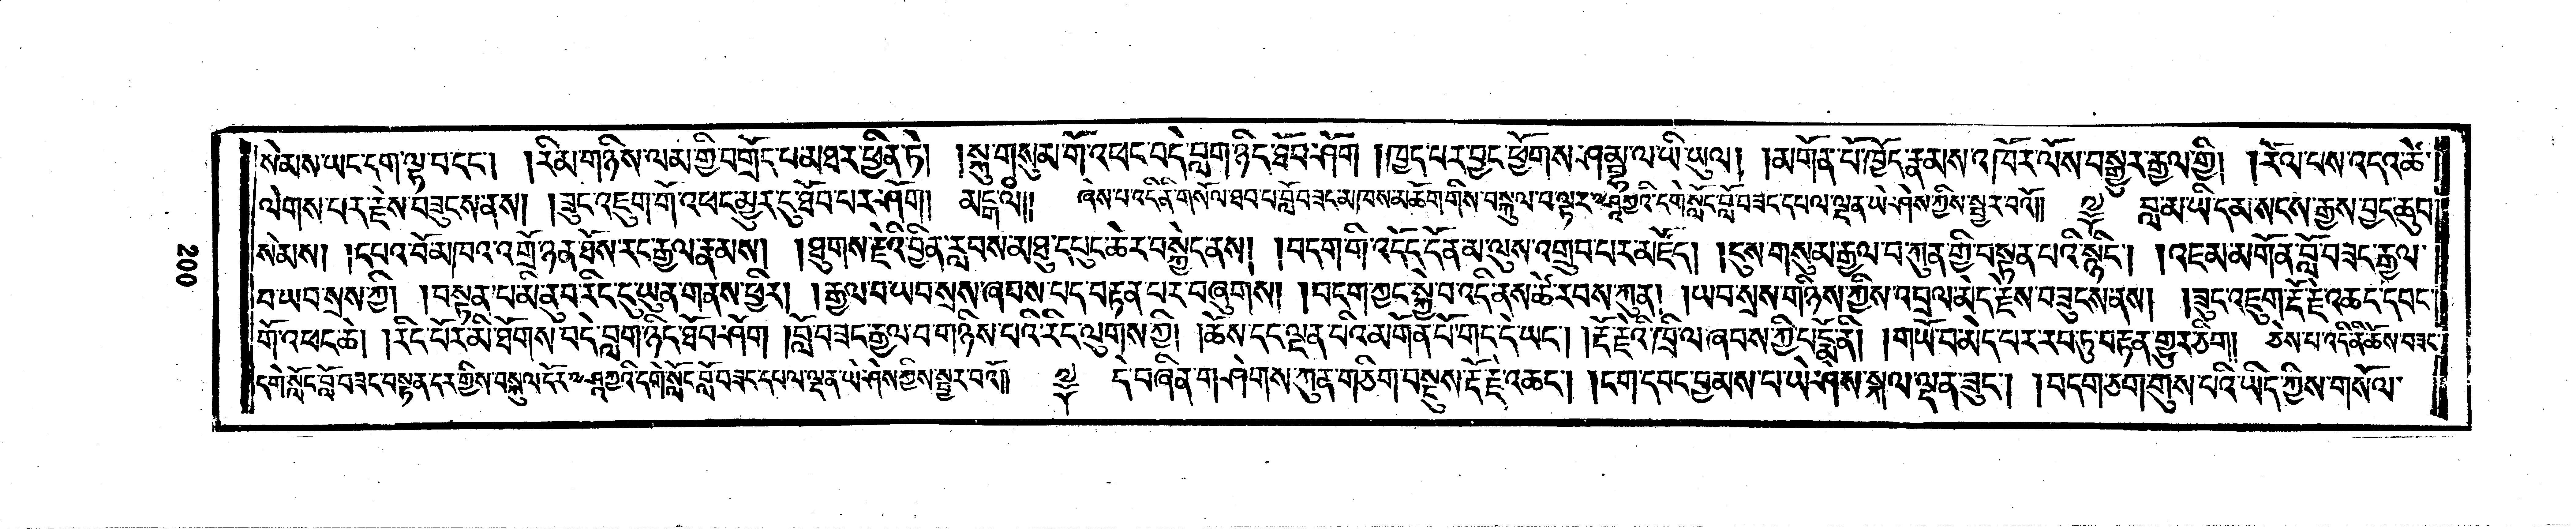སེམས་ཡང་དག་ལྟ་བ་དང་། །རིམ་གཉིས་ལམ་གྱི་བགྲོད་པ་མཐར་ཕྱིན་ཏེ། །སྐུ་གསུམ་གོ་འཕང་བདེ་བླག་ཉིད་ཐོབ་ཤོག །ཁྱད་པར་བྱང་ཕྱོགས་ཤམྦྷ་ལ་ཡི་ཡུལ། །མགོན་པོ་ཁྱོད་རྣམས་འཁོར་ལོས་བསྒྱུར་རྒྱལ་གྱི། །རོལ་པས་འདའ་ཚེ་
ལེགས་པར་རྗེས་བཟུངས་ནས། །ཟུང་འཇུག་གོ་འཕང་མྱུར་དུ་ཐོབ་པར་ཤོག། མངྒ་ལཾ།། ཞེས་པ་འདི་ནི་གསོལ་ཐབ་པ་བློ་བཟང་མཁས་མཆོག་གིས་བསྐུལ་བ་ལྟར་༧་ཤཱཀྱའི་དགེ་སློང་བློ་བཟང་དཔལ་ལྡན་ཡེ་ཤེས་ཀྱིས་སྦྱར་བའོ།། ༈ བླ་མ་ཡི་དམ་སངས་རྒྱས་བྱང་ཆུབ་
སེམས། །དཔའ་བོ་མཁའ་འགྲོ་ཉན་ཐོས་རང་རྒྱལ་རྣམས། །ཐུགས་རྗེའི་བྱིན་རླབས་མཐུ་དཔུང་ཆེར་བསྐྱེད་ནས། །བདག་གི་འདོད་དོན་མ་ལུས་འགྲུབ་པར་མཛོད། །དུས་གསུམ་རྒྱལ་བ་ཀུན་གྱི་བསྟན་པའི་སྙིང་། །འཇམ་མགོན་བློ་བཟང་རྒྱལ་
བ་ཡབ་སྲས་ཀྱི། །བསྟན་པ་མི་ནུབ་རིང་དུ་ཡུན་གནས་ཕྱིར། །རྒྱལ་བ་ཡབ་སྲས་ཞབས་པད་བརྟན་པར་བཞུགས། །བདག་ཀྱང་སྐྱེ་བ་འདི་ནས་ཚེ་རབས་ཀུན། །ཡབ་སྲས་གཉིས་ཀྱིས་འབྲལ་མེད་རྗེས་བཟུངས་ནས། །ཟུང་འཇུག་རྡོ་རྗེ་འཆང་དབང་
གོ་འཕང་ཆེ། །རིང་པོར་མི་ཐོགས་བདེ་བླག་ཉིད་ཐོབ་ཤོག །བློ་བཟང་རྒྱལ་བ་གཉིས་པའི་རིང་ལུགས་ཀྱི། །ཆོས་དང་ལྡན་པའི་མགོན་པོ་གང་དེ་ཡང་། །རྡོ་རྗེའི་ཁྲིལ་ཞབས་ཀྱི་པདམོ་ནི། །གཡོ་བ་མེད་པར་རབ་ཏུ་བརྟན་གྱུར་ཅིག། ཅེས་པ་འདི་ནི་ཆོས་བཟང་
དགེ་སློང་བློ་བཟང་བསྟན་དར་གྱིས་བསྐུལ་ངོར་༧་ཤཱཀྱའི་དགེ་སློང་བློ་བཟང་དཔལ་ལྡན་ཡེ་ཤེས་ཀྱིས་སྦྱར་བའོ།། ༈ དེ་བཞིན་གཤེགས་ཀུན་གཅིག་བསྡུས་རྡོ་རྗེ་འཆང་། །ངག་དབང་བྱམས་པ་ཡེ་ཤེས་སྐལ་ལྡན་ཟུང་། །བདག་ཅག་གུས་པའི་ཡིད་ཀྱིས་གསོལ་